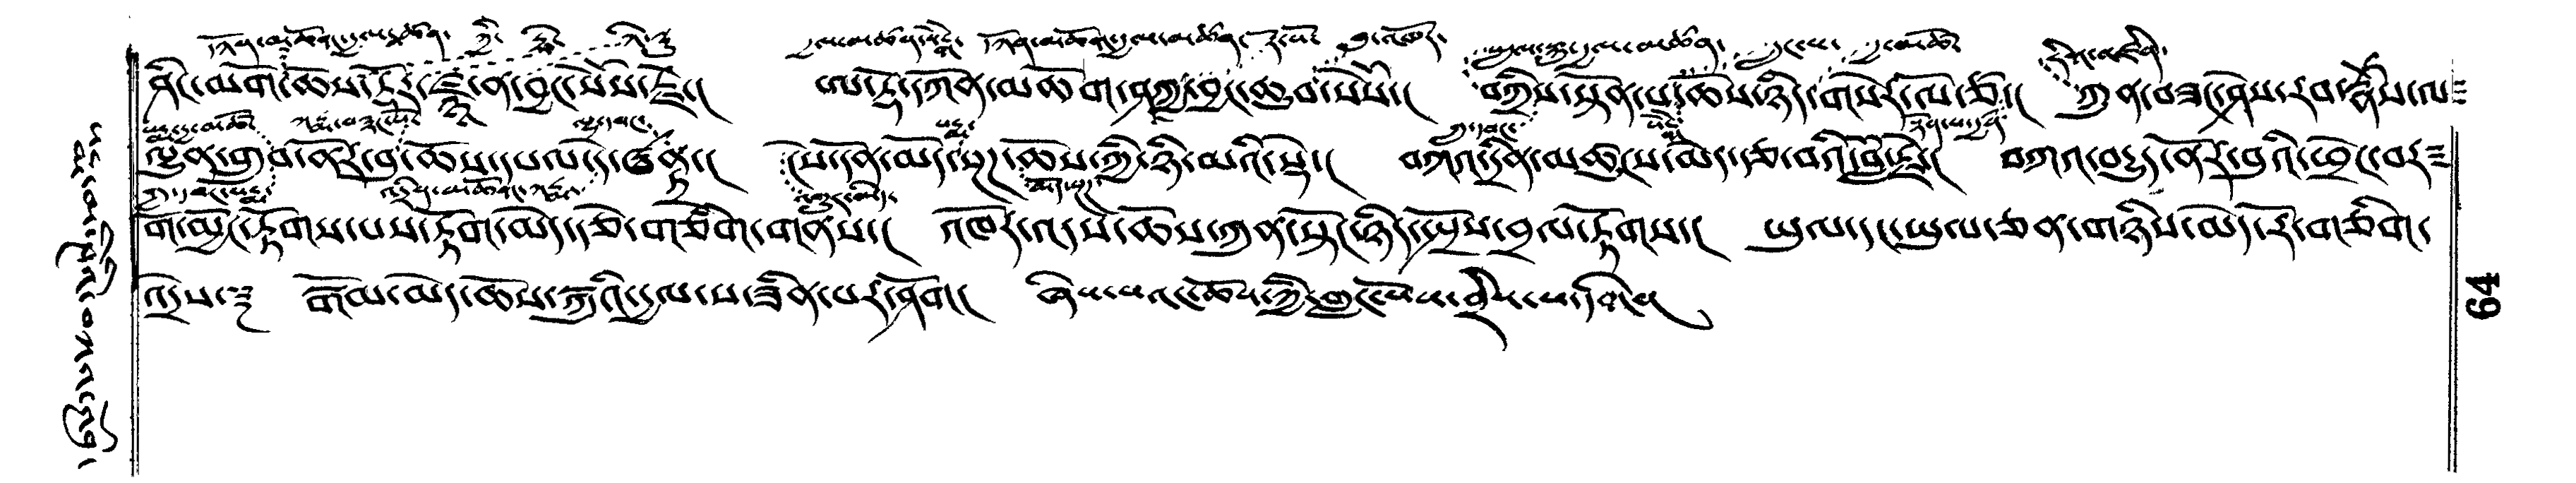།ཤིང་མགོ་ཆོས་རྡོར་ཛྙཱ་ན་བྱང་སེམས་རྗེ། །ཨ་རྡོ་དཀོན་མཆོག་ཤཱཀྱ་བྱང་ཆུབ་སེམས། །བཀྲ་ཤིས་སྟོན་པ་ཆོས་ཉིད་གསེར་ལོ་ཙ། །ཀུན་བཟང་ཤེས་རབ་རྣམས་ལ༴ 
ལྷུན་གྲུབ་ནོར་བུ་ཆོས་དཔལ་དེ་ཝནྟྲ། །ངེས་དོན་མདོ་སྔགས་ཆོས་ཀྱི་ཉི་མའི་སྡེ། །བཀའ་དྲིན་མཚུངས་མེད་རྩ་བའི་བླ་མ་རྗེ། །བཀའ་བརྒྱུད་ནོར་བུའི་ཕྲེང་བར༴ 
གོ་མྱོང་རྟོགས་པས་རྟོག་མེད་རྩེ་གཅིག་གནས། །འཁོར་འདས་ཆོས་ཀུན་སྟོང་ཉིད་སྤྲོས་བྲལ་རྟོགས། །ཡུལ་དང་ཡུལ་ཅན་གཉིས་མེད་རོ་གཅིག་
འདྲེས། །སྒོམ་མེད་ཆོས་སྐུའི་རྒྱལ་ས་ཟིན་པར་ཤོག ཞེས་པའང་ཆོས་ཀྱི་གླང་པོས་བྲིས་པ་དགེ།།